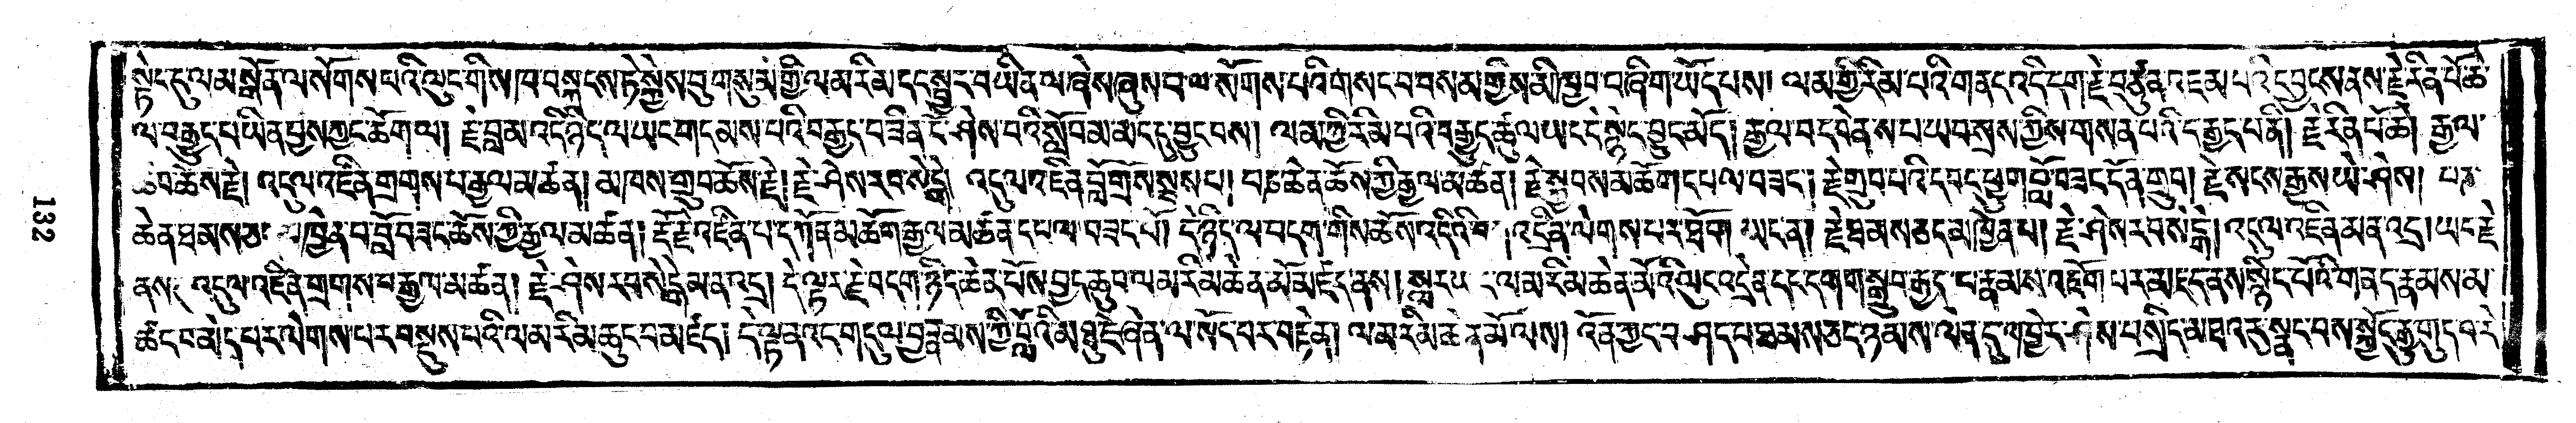སྟེང་དུ་ལམ་སྒོན་ལ་སོགས་པའི་ལུང་གིས་ཁ་བསྐངས་ཏེ་སྐྱེས་བུ་གསུམ་གྱི་ལམ་རིམ་དང་སྦྱར་བ་ཡིན་ལ་ཞེས་ཞུས་པ་ལ་སོགས་པའི་གསང་བ་བསམ་གྱིས་མི་ཁྱབ་པ་ཞིག་ཡོད་པས། ལམ་གྱི་རིམ་པའི་གནང་འདི་དག་རྗེ་བཙུན་འཇམ་པའི་དབྱངས་ནས་རྗེ་རིན་པོ་ཆེ་
ལ་བརྒྱུད་པ་ཡིན་བྱས་ཀྱང་ཆོ་ག་ལ། རྗེ་བླ་མ་འདི་ཉིད་ལ་ཡང་གདམས་པའི་བརྒྱད་བ་ཟིན་ངོ་ཤེས་པའི་སློབ་མ་མང་དུ་བྱུང་བས། ལམ་གྱི་རིམ་པའི་བརྒྱུད་ཚུལ་ཡང་དེ་སྙེད་བྱུང་མོད། རྒྱལ་བ་དབེན་ས་པ་ཡབ་སྲས་ཀྱིས་གསན་པའི་ང་རྒྱད་པ་ནི། རྗེ་རིན་པོ་ཆེ། རྒྱལ་
ཚབ་ཆེས་རྗེ། འདུལ་འཛིན་གྲགས་པ་རྒྱལ་མཚན། མཁས་གྲུབ་ཆོས་རྗེ། རྗེ་ཤེས་རབ་སེངྒེ། འདུལ་འཛིན་བློ་གྲོས་སྤས་པ། པཎ་ཆེན་ཆོས་ཀྱི་རྒྱལ་མཚན། རྗེ་སྐྱབས་མཆོག་དཔལ་བཟང་། རྗེ་གྲུབ་པའི་དབང་ཕྱུག་བློ་བཟང་དོན་གྲུབ། རྗེ་སངས་རྒྱས་ཡེ་ཤེས། པཎ་
ཆེན་ཐམས་ཅད་མཁྱེན་པ་བློ་བཟང་ཆོས་ཀྱི་རྒྱལ་མཚན། རྡོ་རྗེ་འཛིན་པ་དཀོན་མཆོག་རྒྱལ་མཚན་དཔལ་བཟང་པོ། དེ་ཉིད་ལ་བདག་གིས་ཆོས་འདིའི་བཀའ་དྲིན་ལེགས་པར་ཐོག་ཡང་ན། རྗེ་ཐམས་ཅད་མཁྱེན་པ། རྗེ་ཤེས་རབ་སེངྒེ། འདུལ་འཇིན་མན་འདྲ། ཡང་རྗེ་
ནས༑ འདུལ་འཛིན་གྲགས་པ་རྒྱལ་མཚན། རྗེ་ཤེས་རབ་སེངྒེ་མན་འདྲ། དེ་ལྟར་རྗེ་བདག་ཉིད་ཆེན་པོས་བྱང་ཆུབ་ལམ་རིམ་ཆེན་མོ་མཛད་ནས། སླར་ཡང་ལམ་རིམ་ཆེན་མོའི་ལུང་འདྲེན་དང་དགག་སྒྲུབ་རྒྱད་པ་རྣམས་འཇོག་པར་མཇད་ནས་སྙིང་པོའི་གནད་རྣམས་མ་
ཚང་བ་མེད་པར་ལེགས་པར་བསྡུས་པའི་ལམ་རིམ་ཆུང་བ་མཛད། དེ་ལྟ་ནའང་གདུལ་བྱ་རྣམས་ཀྱི་བློའི་མཐུ་ཇེ་ཞེན་ལ་སོང་བར་བརྟེན། ལམ་རིམ་ཆེན་མོ་ལས། འོན་ཀྱང་བཤད་པ་ཐམས་ཅད་ཉམས་ལེན་དུ་འཁྱེར་ཤེས་པ་སྲིད་མཐའ་རུ་སྣང་བས་སྐྱོང་རྒྱུ་གུད་པ་རེ་